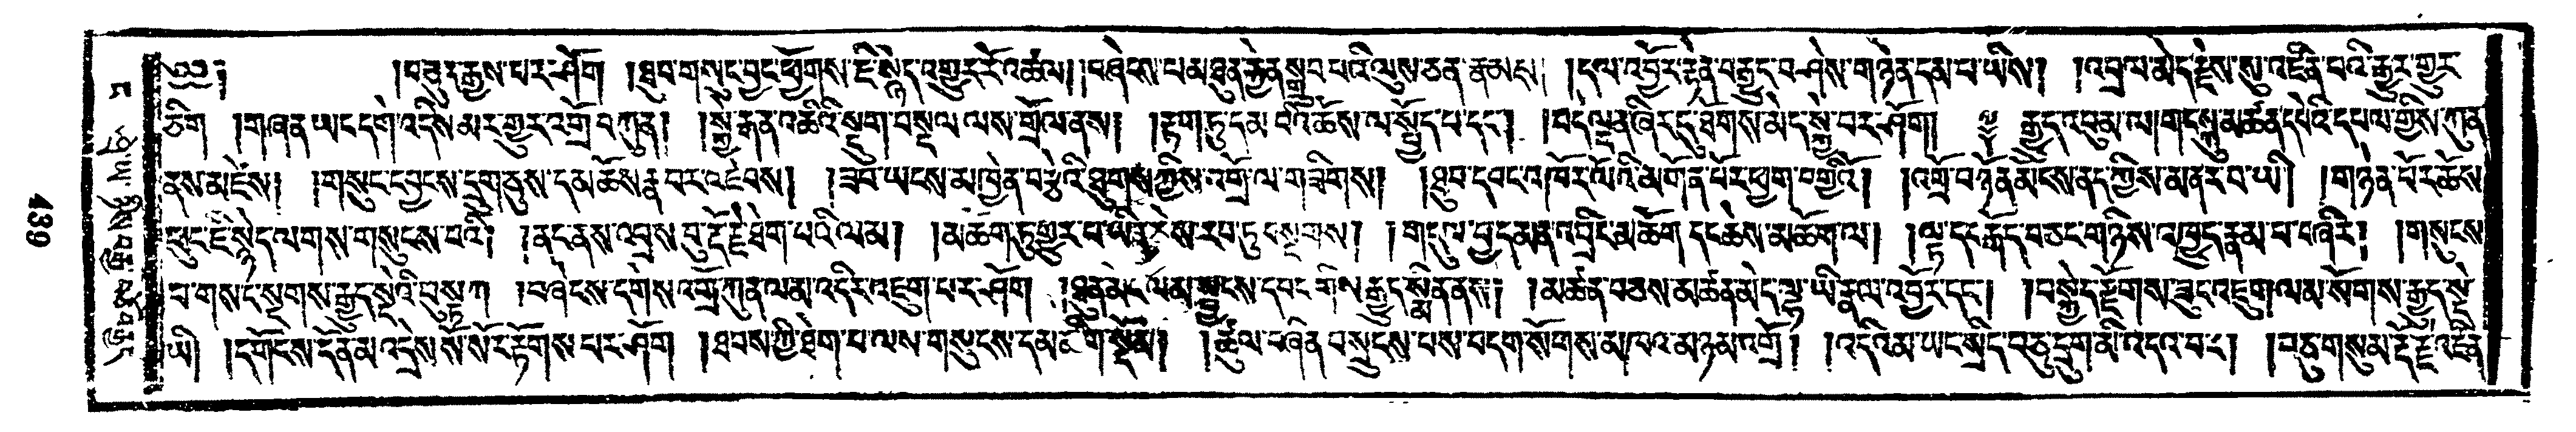༄༅། །བཅུར་རྒྱས་པར་ཤོག །ཐུབ་གསུང་བྱང་ཕྱོགས་ཇི་སྙེད་འགྱུར་རོ་འཚལ། །བཞེངས་པ་མཐུན་རྐྱེན་སྒྲུབ་པའི་ལུས་ཅན་རྣམས། །དལ་འབྱོར་རྟེན་བརྒྱུད་བཤེས་གཉེན་དམ་པ་ཡིས། །འབྲལ་མེད་རྗེས་སུ་འཛིན་པའི་རྒྱུར་གྱུར་
ཅིག །གཞན་ཡང་དགེ་འདིས་མར་གྱུར་འགྲོ་བ་ཀུན། །སྐྱེ་རྒན་འཆིའི་སྡུག་བསྔལ་ལས་གྲོལ་ནས། །རྟག་ཏུ་དམ་བའི་ཆོས་ལ་སྤྱོད་པ་དང་། །བདེ་ལྡན་ཞིང་དུ་ཐོགས་མེད་སྐྱེ་བར་ཤོག། ༈ རྒྱུད་འབུམ་ལ། གང་སྐུ་མཚན་དཔེའི་དཔལ་གྱིས་ཀུན་
ནས་མཛེས། །གསུང་དབྱངས་དྲུག་ཅུས་དམ་ཆོས་རྣ་བར་འཇེ་བས། །ཟབ་ཡངས་མཁྱེན་བརྩེའི་ཐུགས་ཀྱིས་འགྲོ་ལ་གཟིགས། །ཐུབ་དབང་འཁོར་ལོའི་མགོན་པོར་ཕྱག་བགྱིའོ། །འགྲོ་བ་ཉོན་མོངས་ནད་ཀྱིས་མནར་བ་ཡི། །གཉེན་པོར་ཆོས་
ཕུང་ཇི་སྙེད་ལགས་གསུངས་བའི། །ནང་ནས་འབྲས་བུ་རྡོ་རྗེ་ཐེག་པའི་ལམ། །མཆོག་ཏུ་གྱུར་པ་ཡིན་ཅེས་རབ་ཏུ་བསྔགས། །གདུལ་བྱ་དམན་འབྲིང་མཆོག་དང་ཆེས་མཆོག་ལ། །ལྟ་དང་རྒོད་བཅང་གཉིས་འཁྱུད་རྣམ་པ་བཞིར། །གསུངས་
པ་གསང་སྔགས་རྒྱུད་སྡེའི་བུསྟ་ཀ །བཞེངས་དགེས་འགྲོ་ཀུན་ལམ་འདིར་འཇུག་པར་ཤོག །ཐུན་མོང་ལམ་སྦྱངས་དབང་གིས་རྒྱུད་སྨིན་ནས། །མཚན་བཅས་མཚན་མེད་ལྷ་ཡི་རྣལ་འབྱོར་དང་། །བསྐྱེད་རྫོགས་ཟུང་འཇུག་ལམ་སོགས་རྒྱུད་སྡེ་
ཡི། །དགོངས་དོན་མ་འདྲེས་སོ་སོར་རྟོགས་པར་ཤོག །ཐབས་ཀྱི་ཐེག་པ་ལས་གསུངས་དམ་ཚིག་སྡོམ། །ཚུལ་བཞིན་བསྲུངས་པས་བདག་སོགས་མཁའ་མཉམ་འགྲོ། །འདིའམ་ཡང་སྲིད་བཅུ་དྲུག་མི་འདའ་བར། །བཅུ་གསུམ་རྡོ་རྗེ་འཛིན་